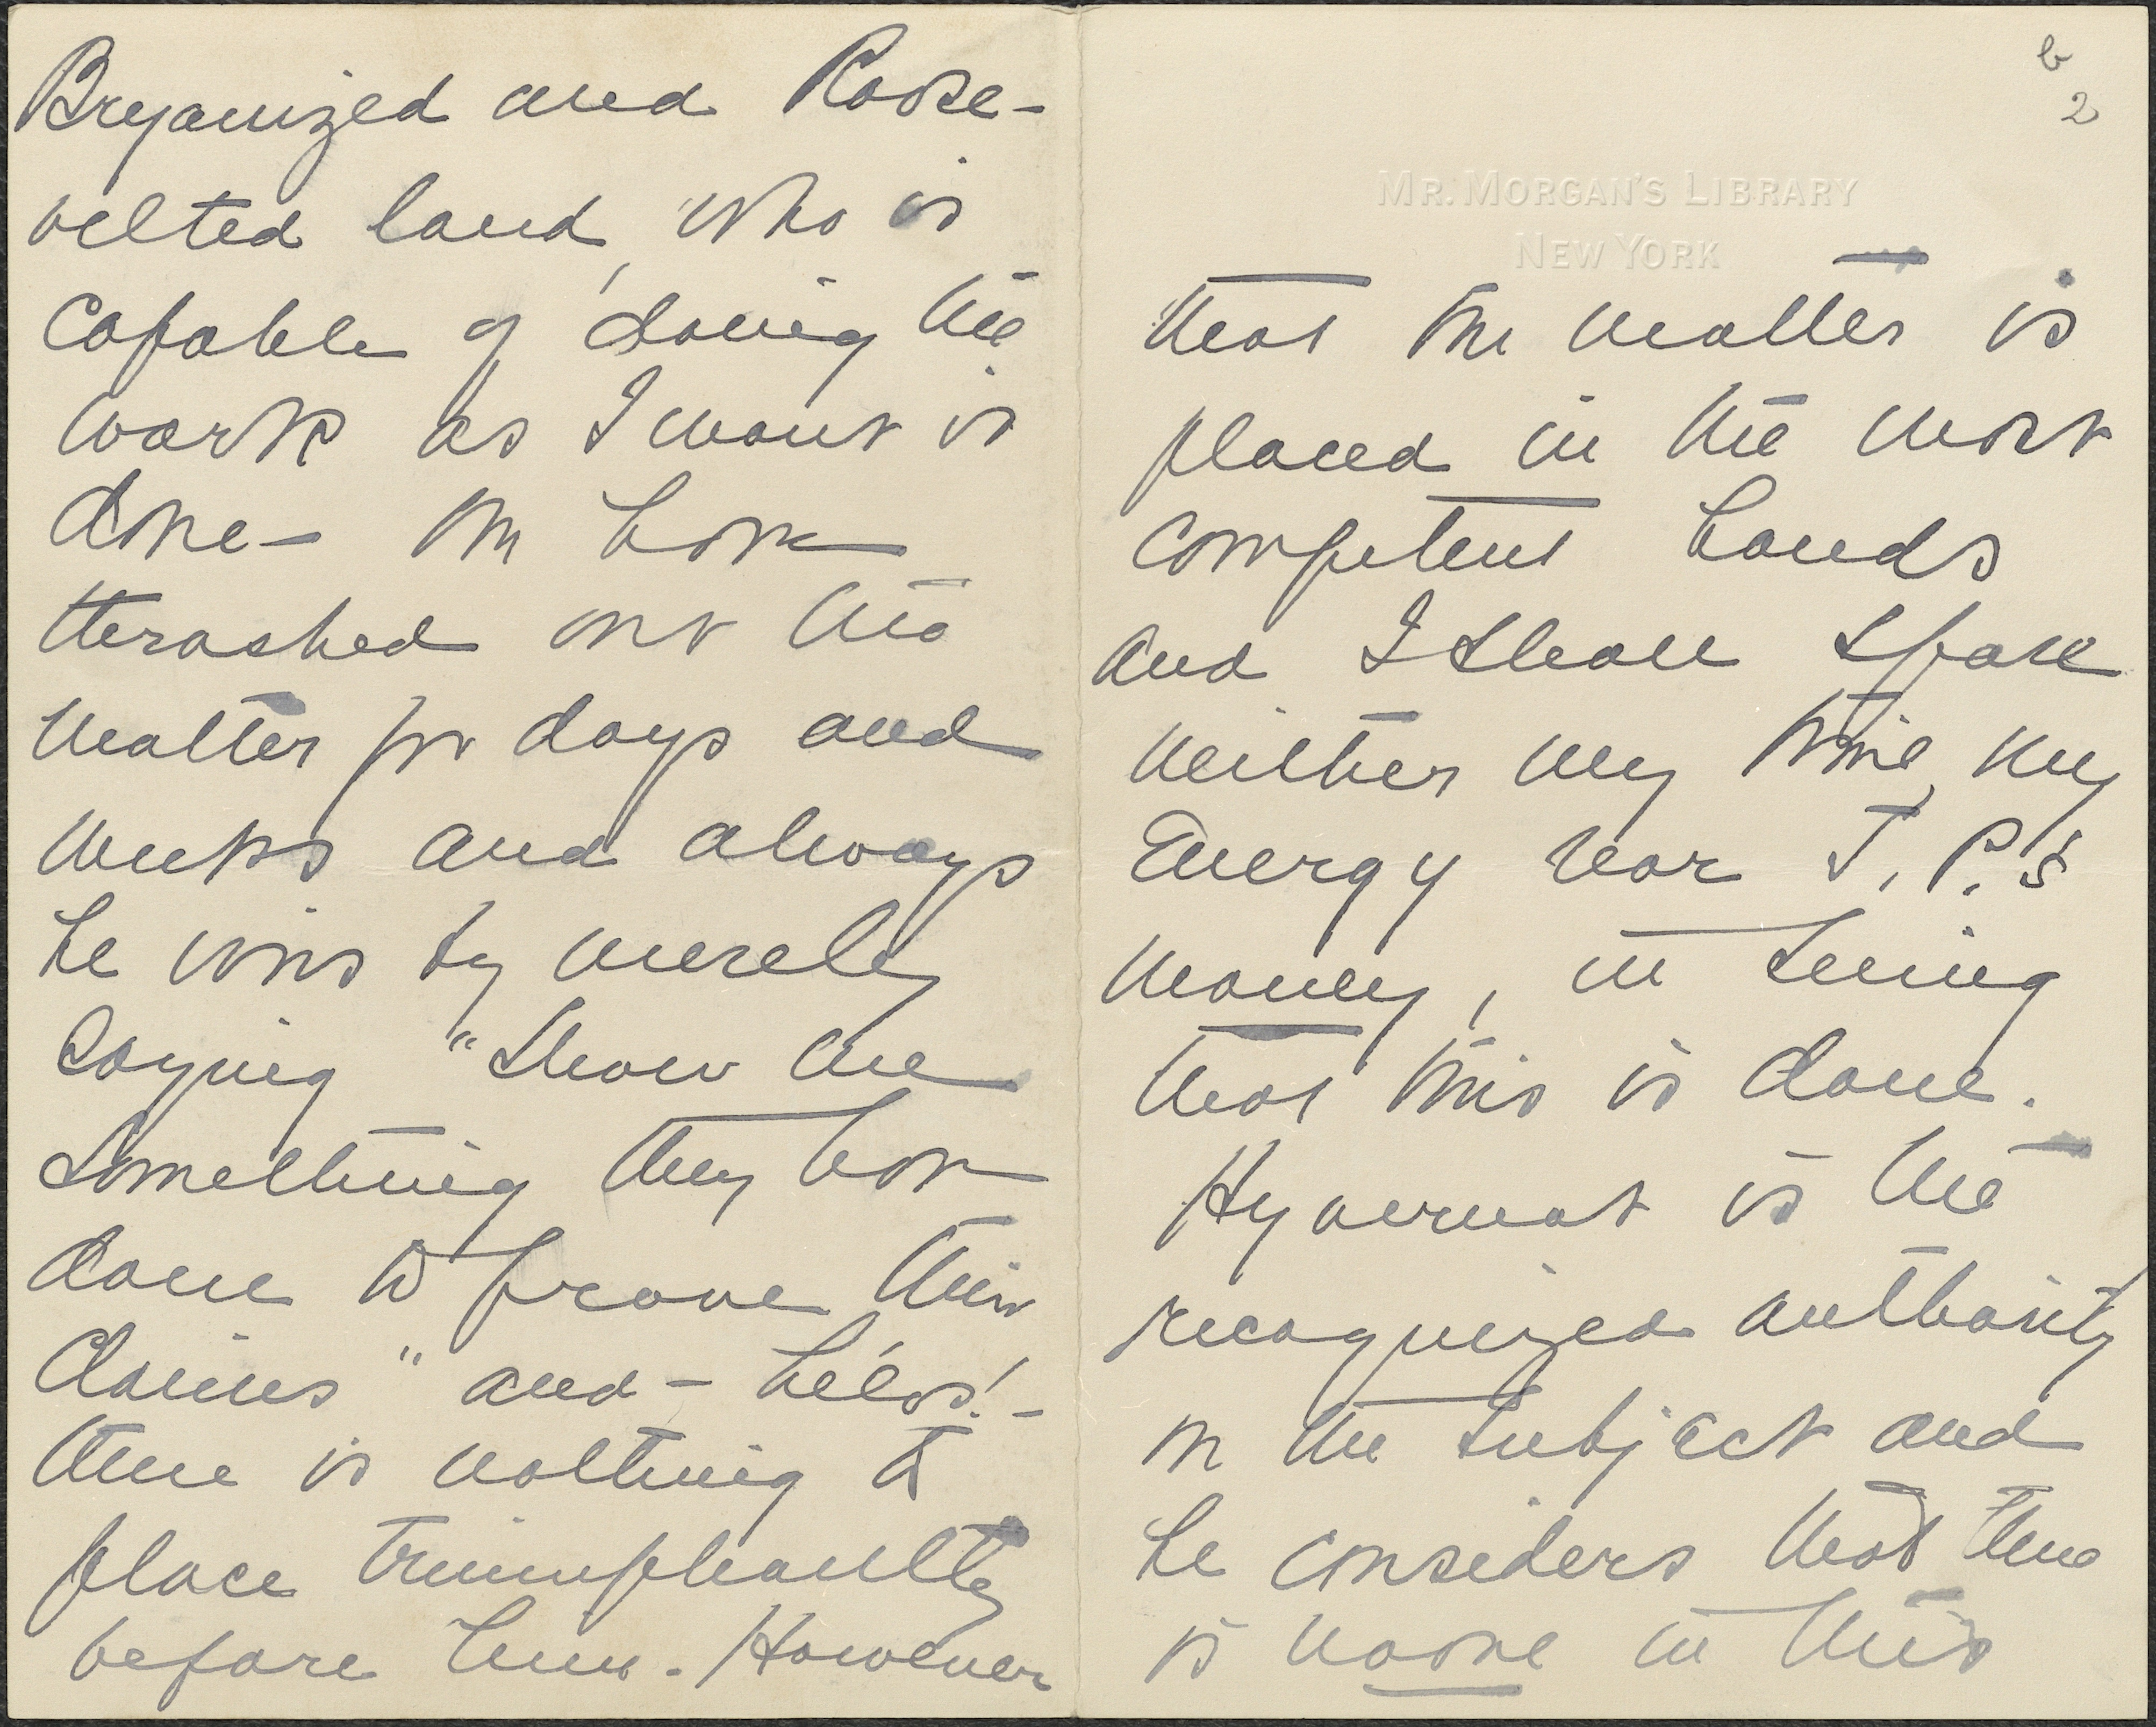that the matter is placed in the most competent hands and I shall spare neither my time, my energy nor J. P.’s money, in seeing that this is done. Hyvernat is the recognized authority on the subject and he considers that there is no one in this
Bryanized and Roosevelted land, who is capable of doing the work as I want it done – we have thrashed out the matter for days and weeks and always he wins by merely saying “show me something they have done to prove their claims and – hélas! – there is nothing to place triumphantly before him – However